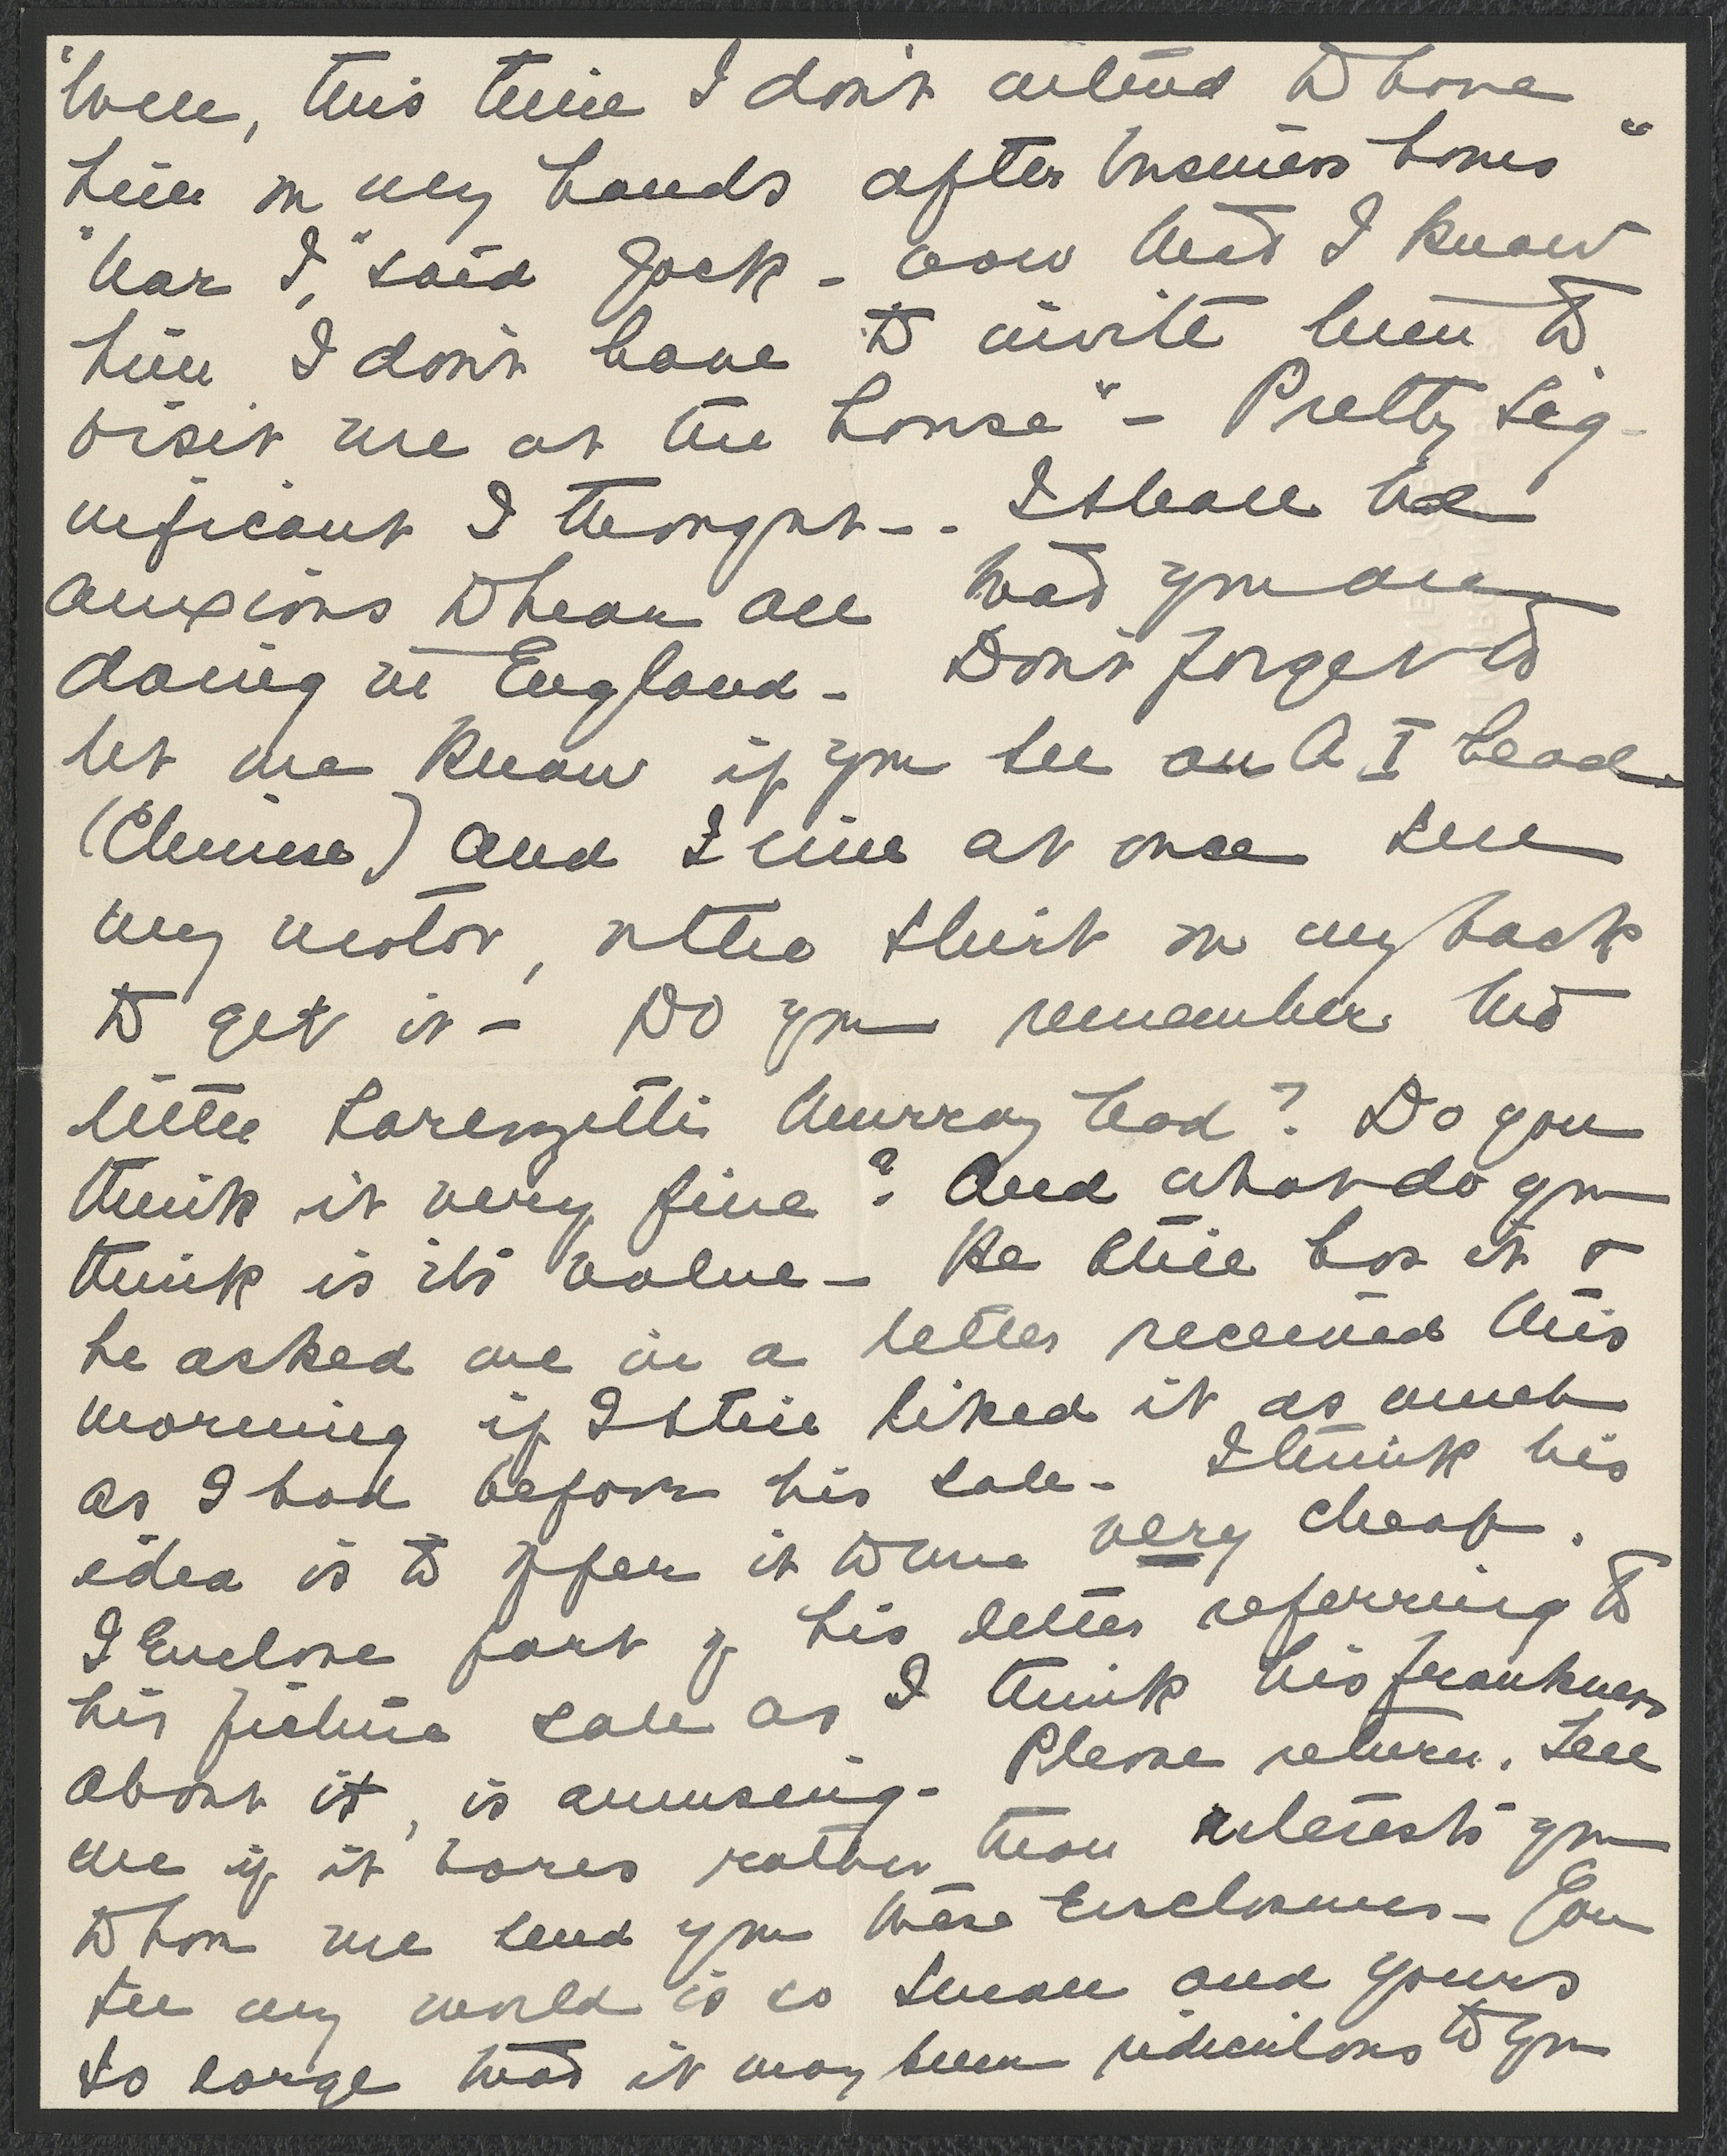‘Well, this time I don’t intend to have him on my hands after business hours” “Nor I,” said Jack – now that I know him I don’t have to invite him to visit me at the house” – Pretty significant I thought – I shall be anxious to hear all that you are doing in England – Don’t forget to let me know if you see an A1 head (Chinese) and I will at once sell my motor, or the shirt on my back to get it – Do you remember the little Sarengetti Murray had? Do you think it very fine? And what do you think is its value – He still has it & he asked me in a letter received this morning if I still liked it as much as I had before his sale – I think his idea is to offer it to me [double underlined: very] cheap. I enclose part of his letter referring to his picture sale as I think his frankness about it, is amusing – Please return. Tell me if it bores rather than interests you to have me send you these enclosures – You see my world is so small and yours so large that it may seem ridiculous to you